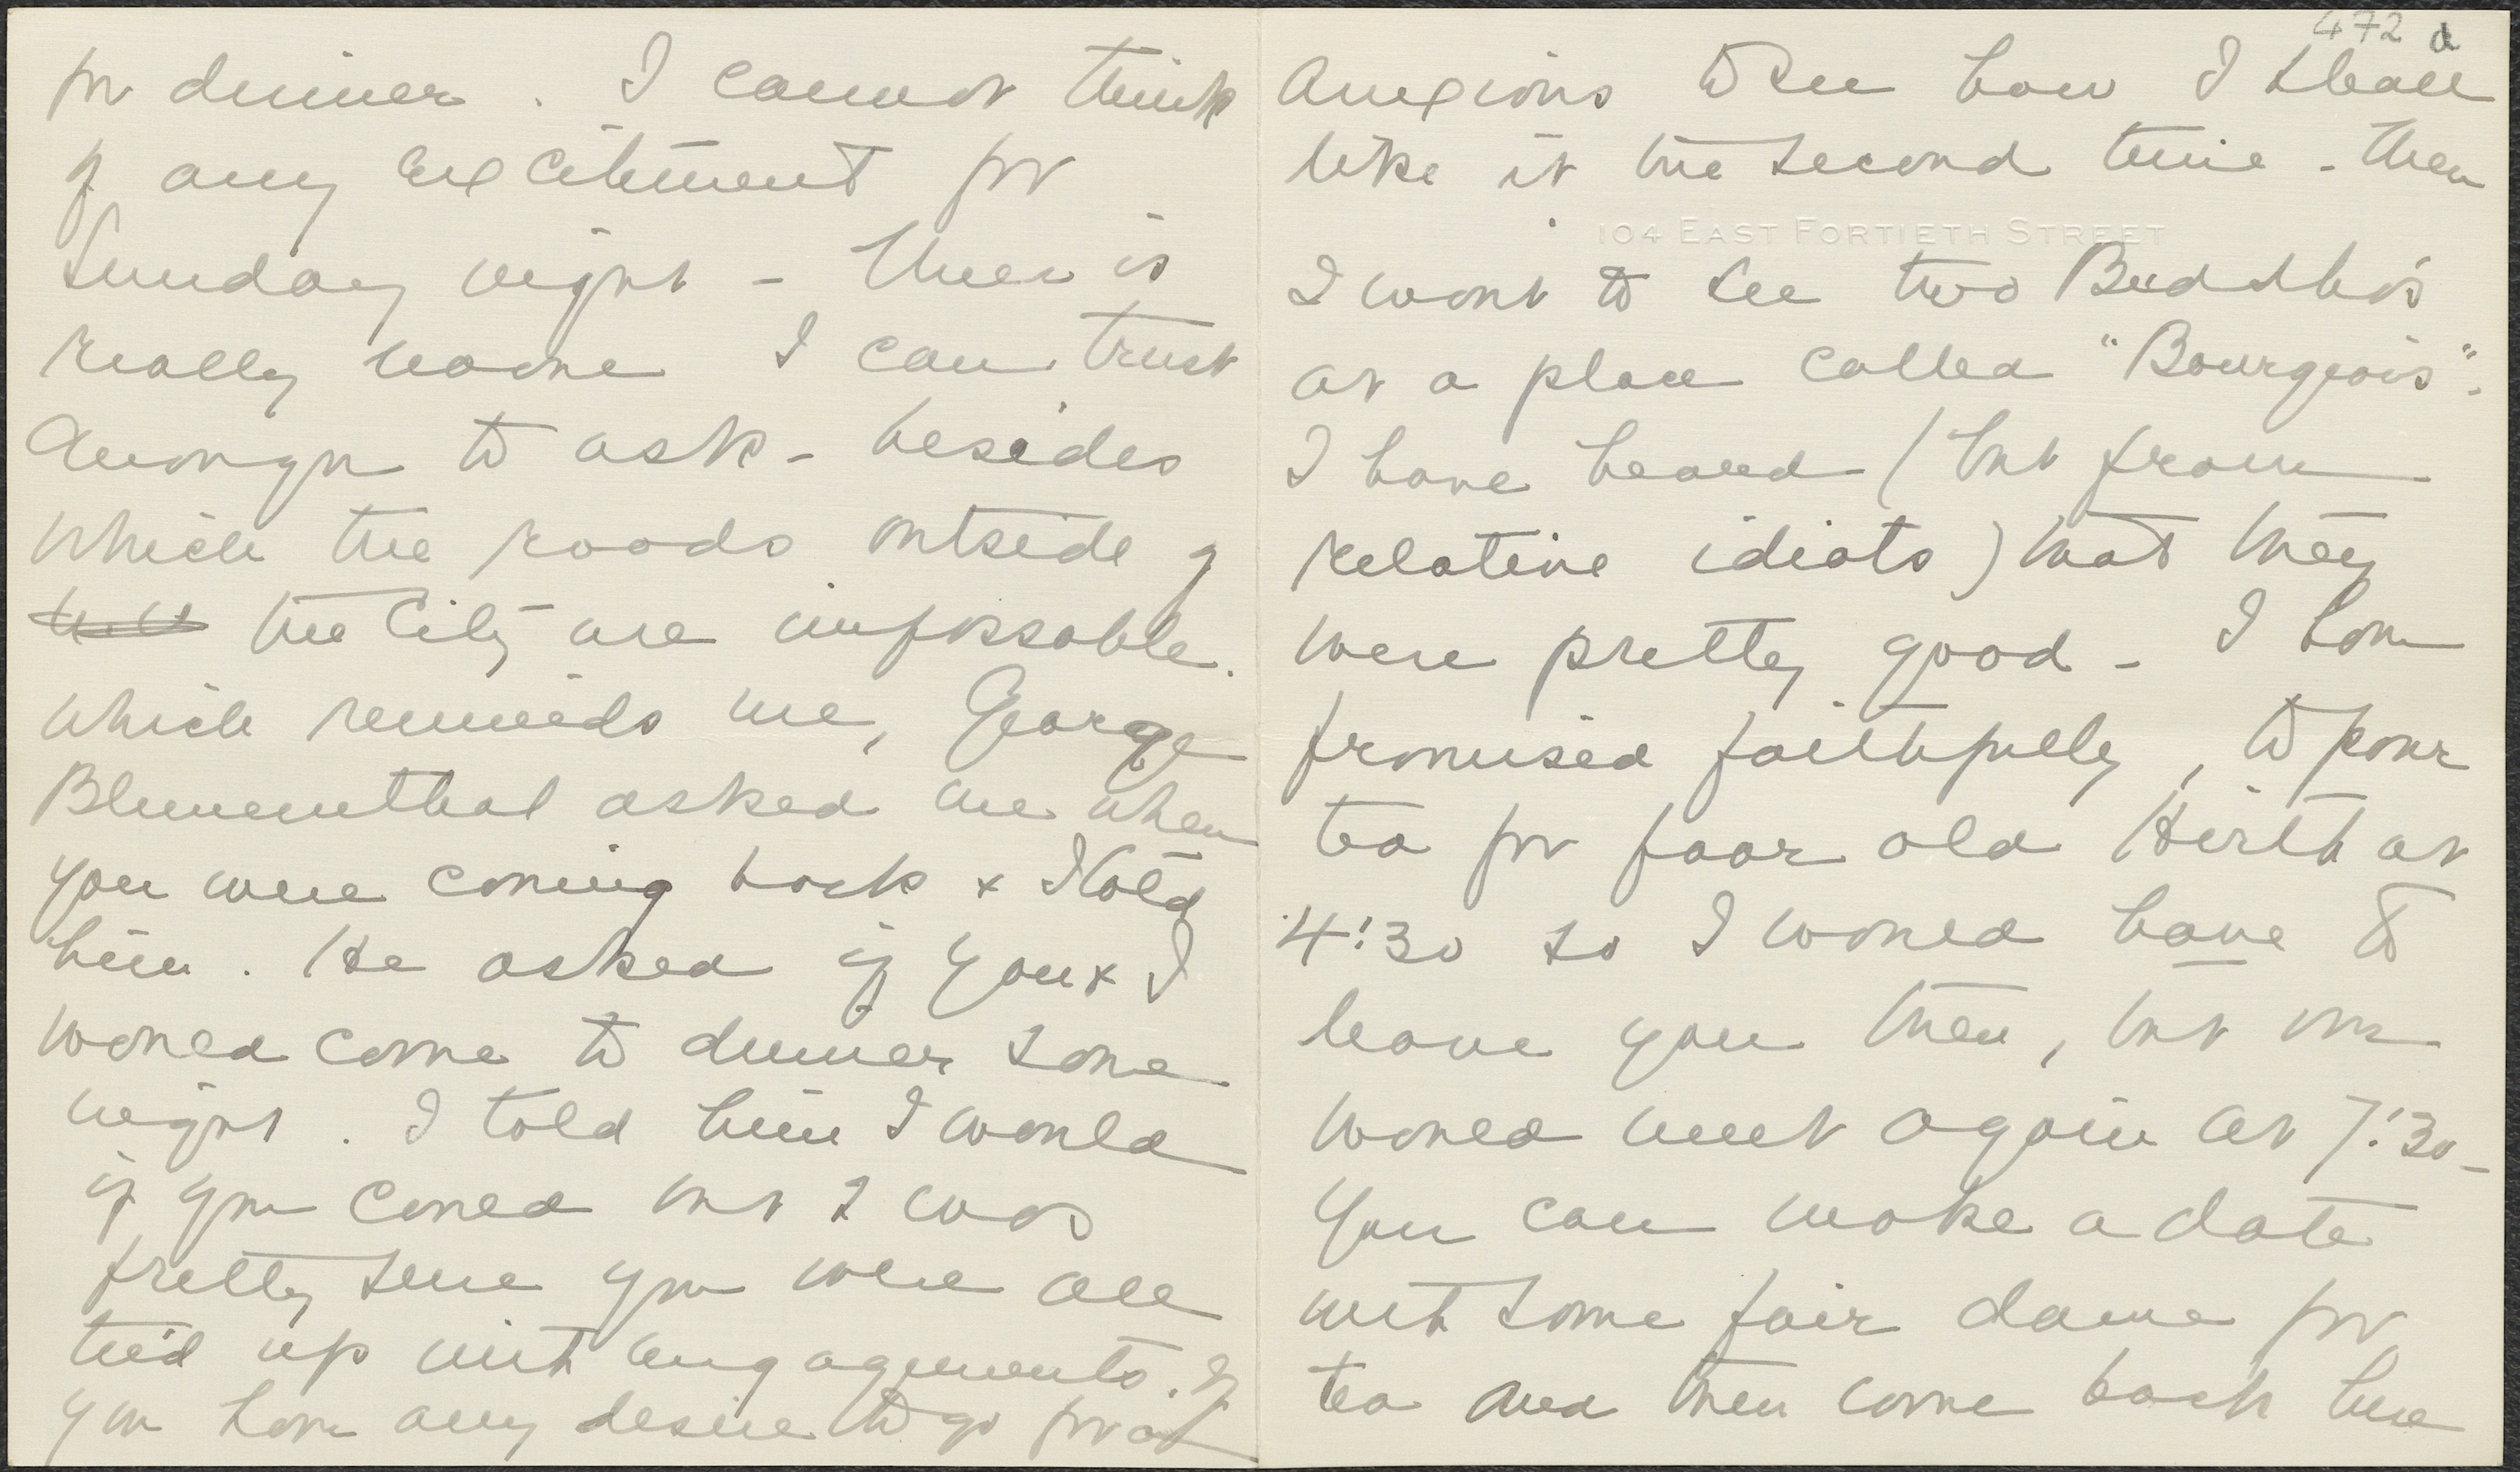anxious to see how I shall like it the second time. Then I want to see two Buddha’s at a place called “Bourgeois”. I have heard (but from relative idiots) that they were pretty good – I have promised faithfully, to pour tea for poor old Hirth at 4:30 so I would have to leave you then, but we would meet again at 7:30 – You can make a date with some fair dame for tea and then come back here
for dinner. I cannot think of any excitement for Sunday night – there is really no one I can trust enough to ask – besides which the roads outside of N.Y the City are impossible. Which reminds me, George Blumenthal asked me when you were coming back & I told him. He asked if you & I would come to dinner some night. I told him I would if you could but I was pretty sure you were all tied up with engagements. If you have any desire to go for a